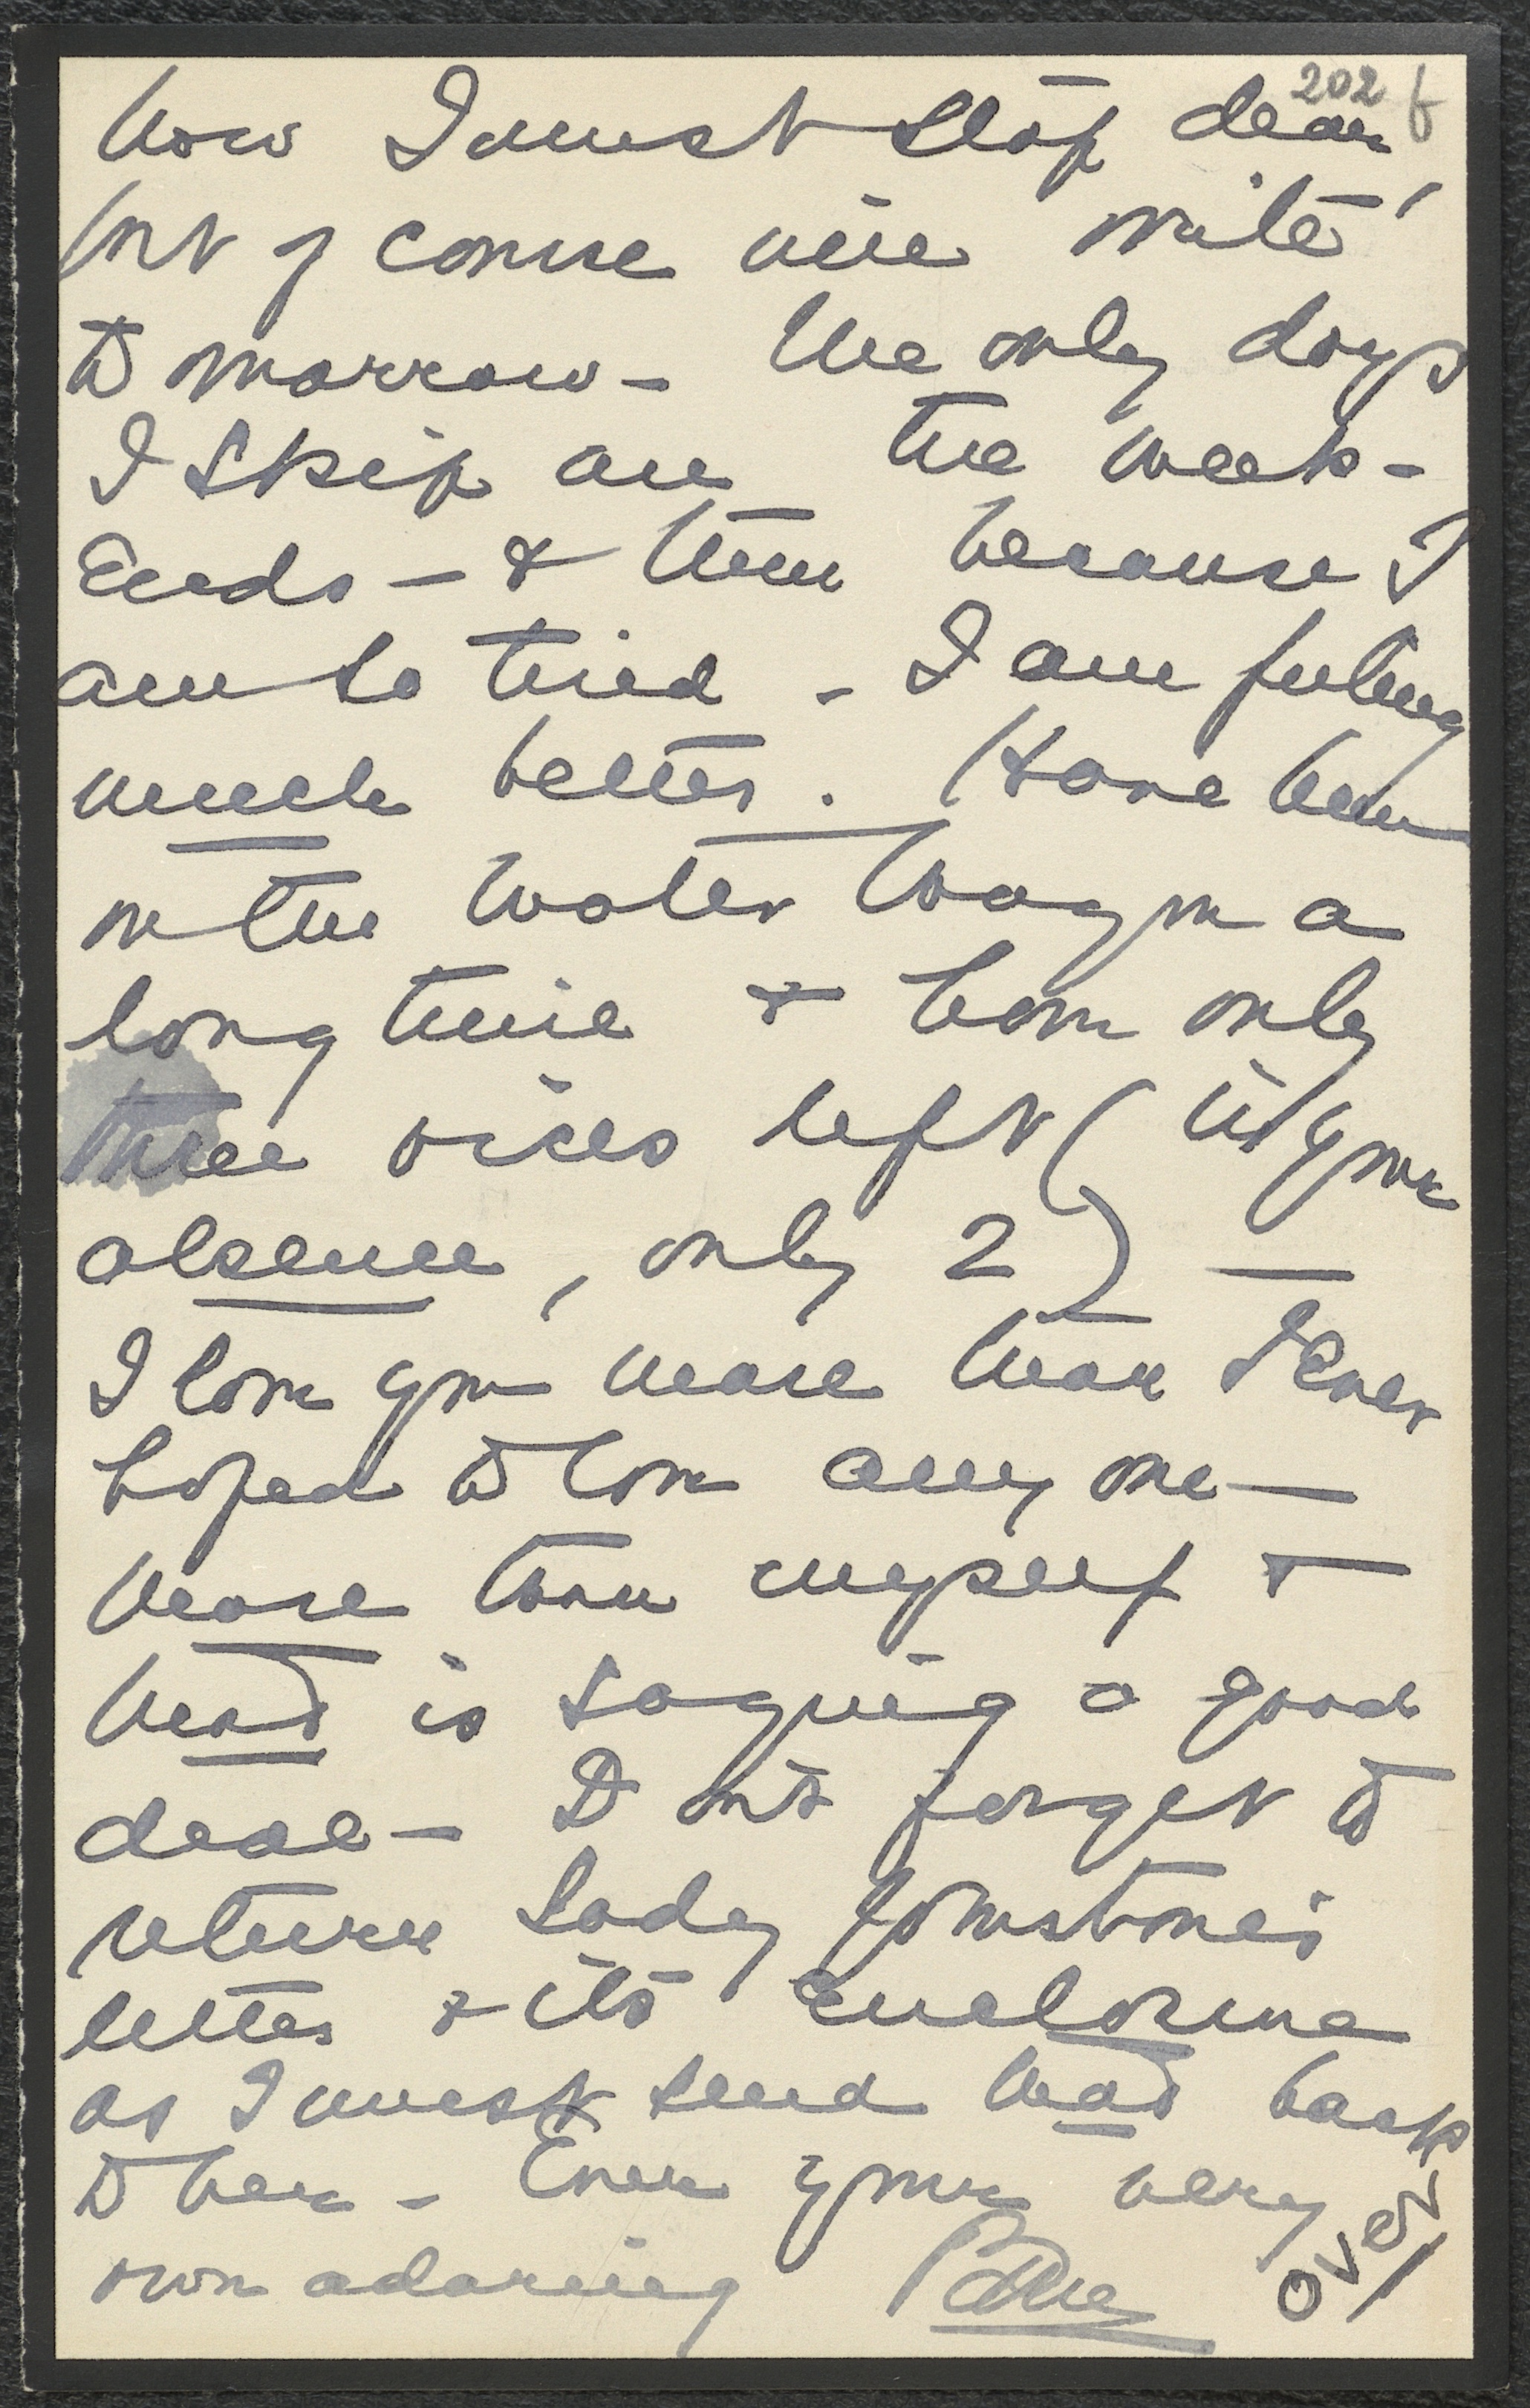Now I must stop dear, but of course will write tomorrow – The only days I skip are the week-ends – & then because I am so tired – I am feeling much better. Have been in the water Wagon a long time & have only three vices left (in your absence, only 2) – I love you more than I ever hoped to love any one – More than myself & that is saying a good deal – Don’t forget to return Lady Johnstone's letter & its enclosure as I must send that back to her – Ever your very own adoring Belle
[in print: over]